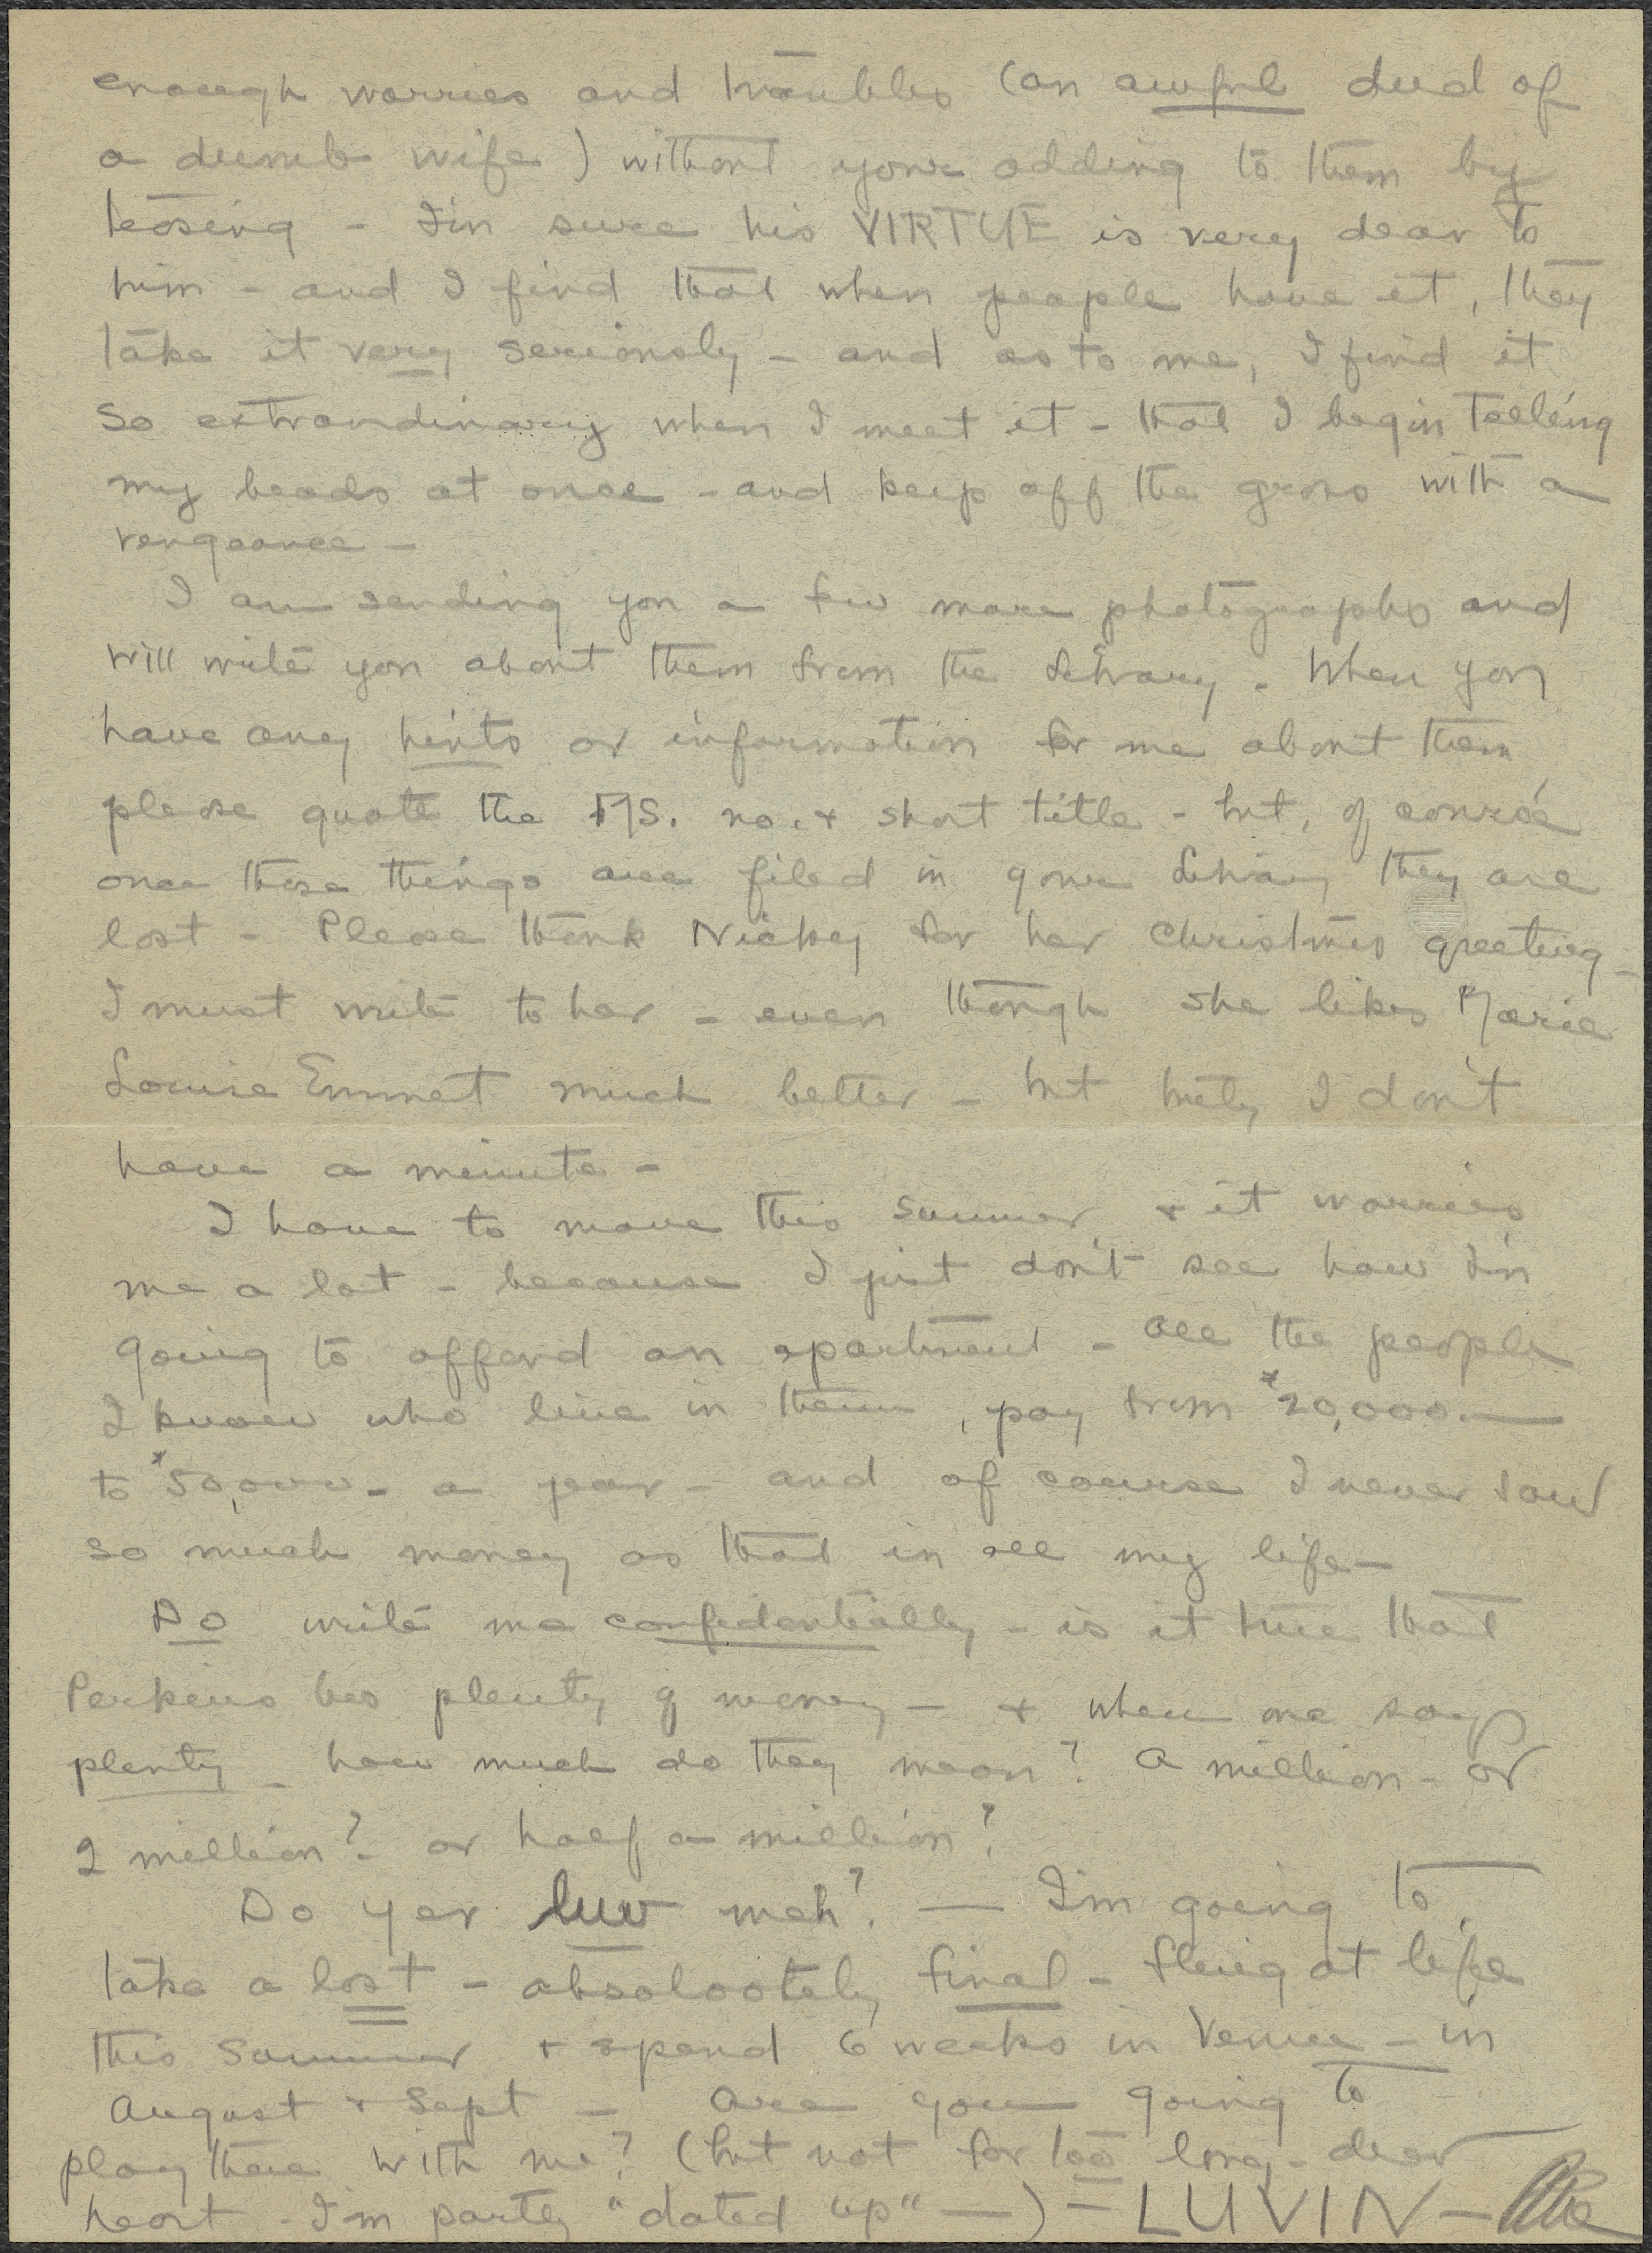enough worries and troubles (an awful dud of a dumb wife) without your adding to them by
teasing – I’m sure his VIRTUE is very dear to him – and I find that when people have it, they take it very seriously – and as to me, I find it so extraordinary when I meet it – that I begin telling my beads at once- and keep off the grass with a vengeance –
I am sending you a few more photographs and will write you about them from the Library. When you have any hints or information for me about them, please quote the M.S. no. & short title – but, of course once these things are filed in your Library they are lost – Please thank Nicky for her Christmas greeting – I must write to her – even though she likes Marie Louise Emmet much better – but truly I don’t have a minute –
I have to move this summer & it worries me a lot – because I just don’t see how I’m going to afford an apartment – All the people I know who live in them, pay from $20,000. – to $50,000 – a year – and of course I never saw so much money as that in all my life –
Do write me confidentially – is it true that Perkins has plenty of money – & when one says plenty – how much do they mean? A million – or 2 million? or half a million?
Do you luv meh? – I’m going to take a [double underlined: last] – absolutely final – fling at life this summer & spend 6 weeks in Venice – in August & Sept – Are you going to play there with me? (but not for too long – dear heart. I’m partly “dated up” –) LUVIN – Belle